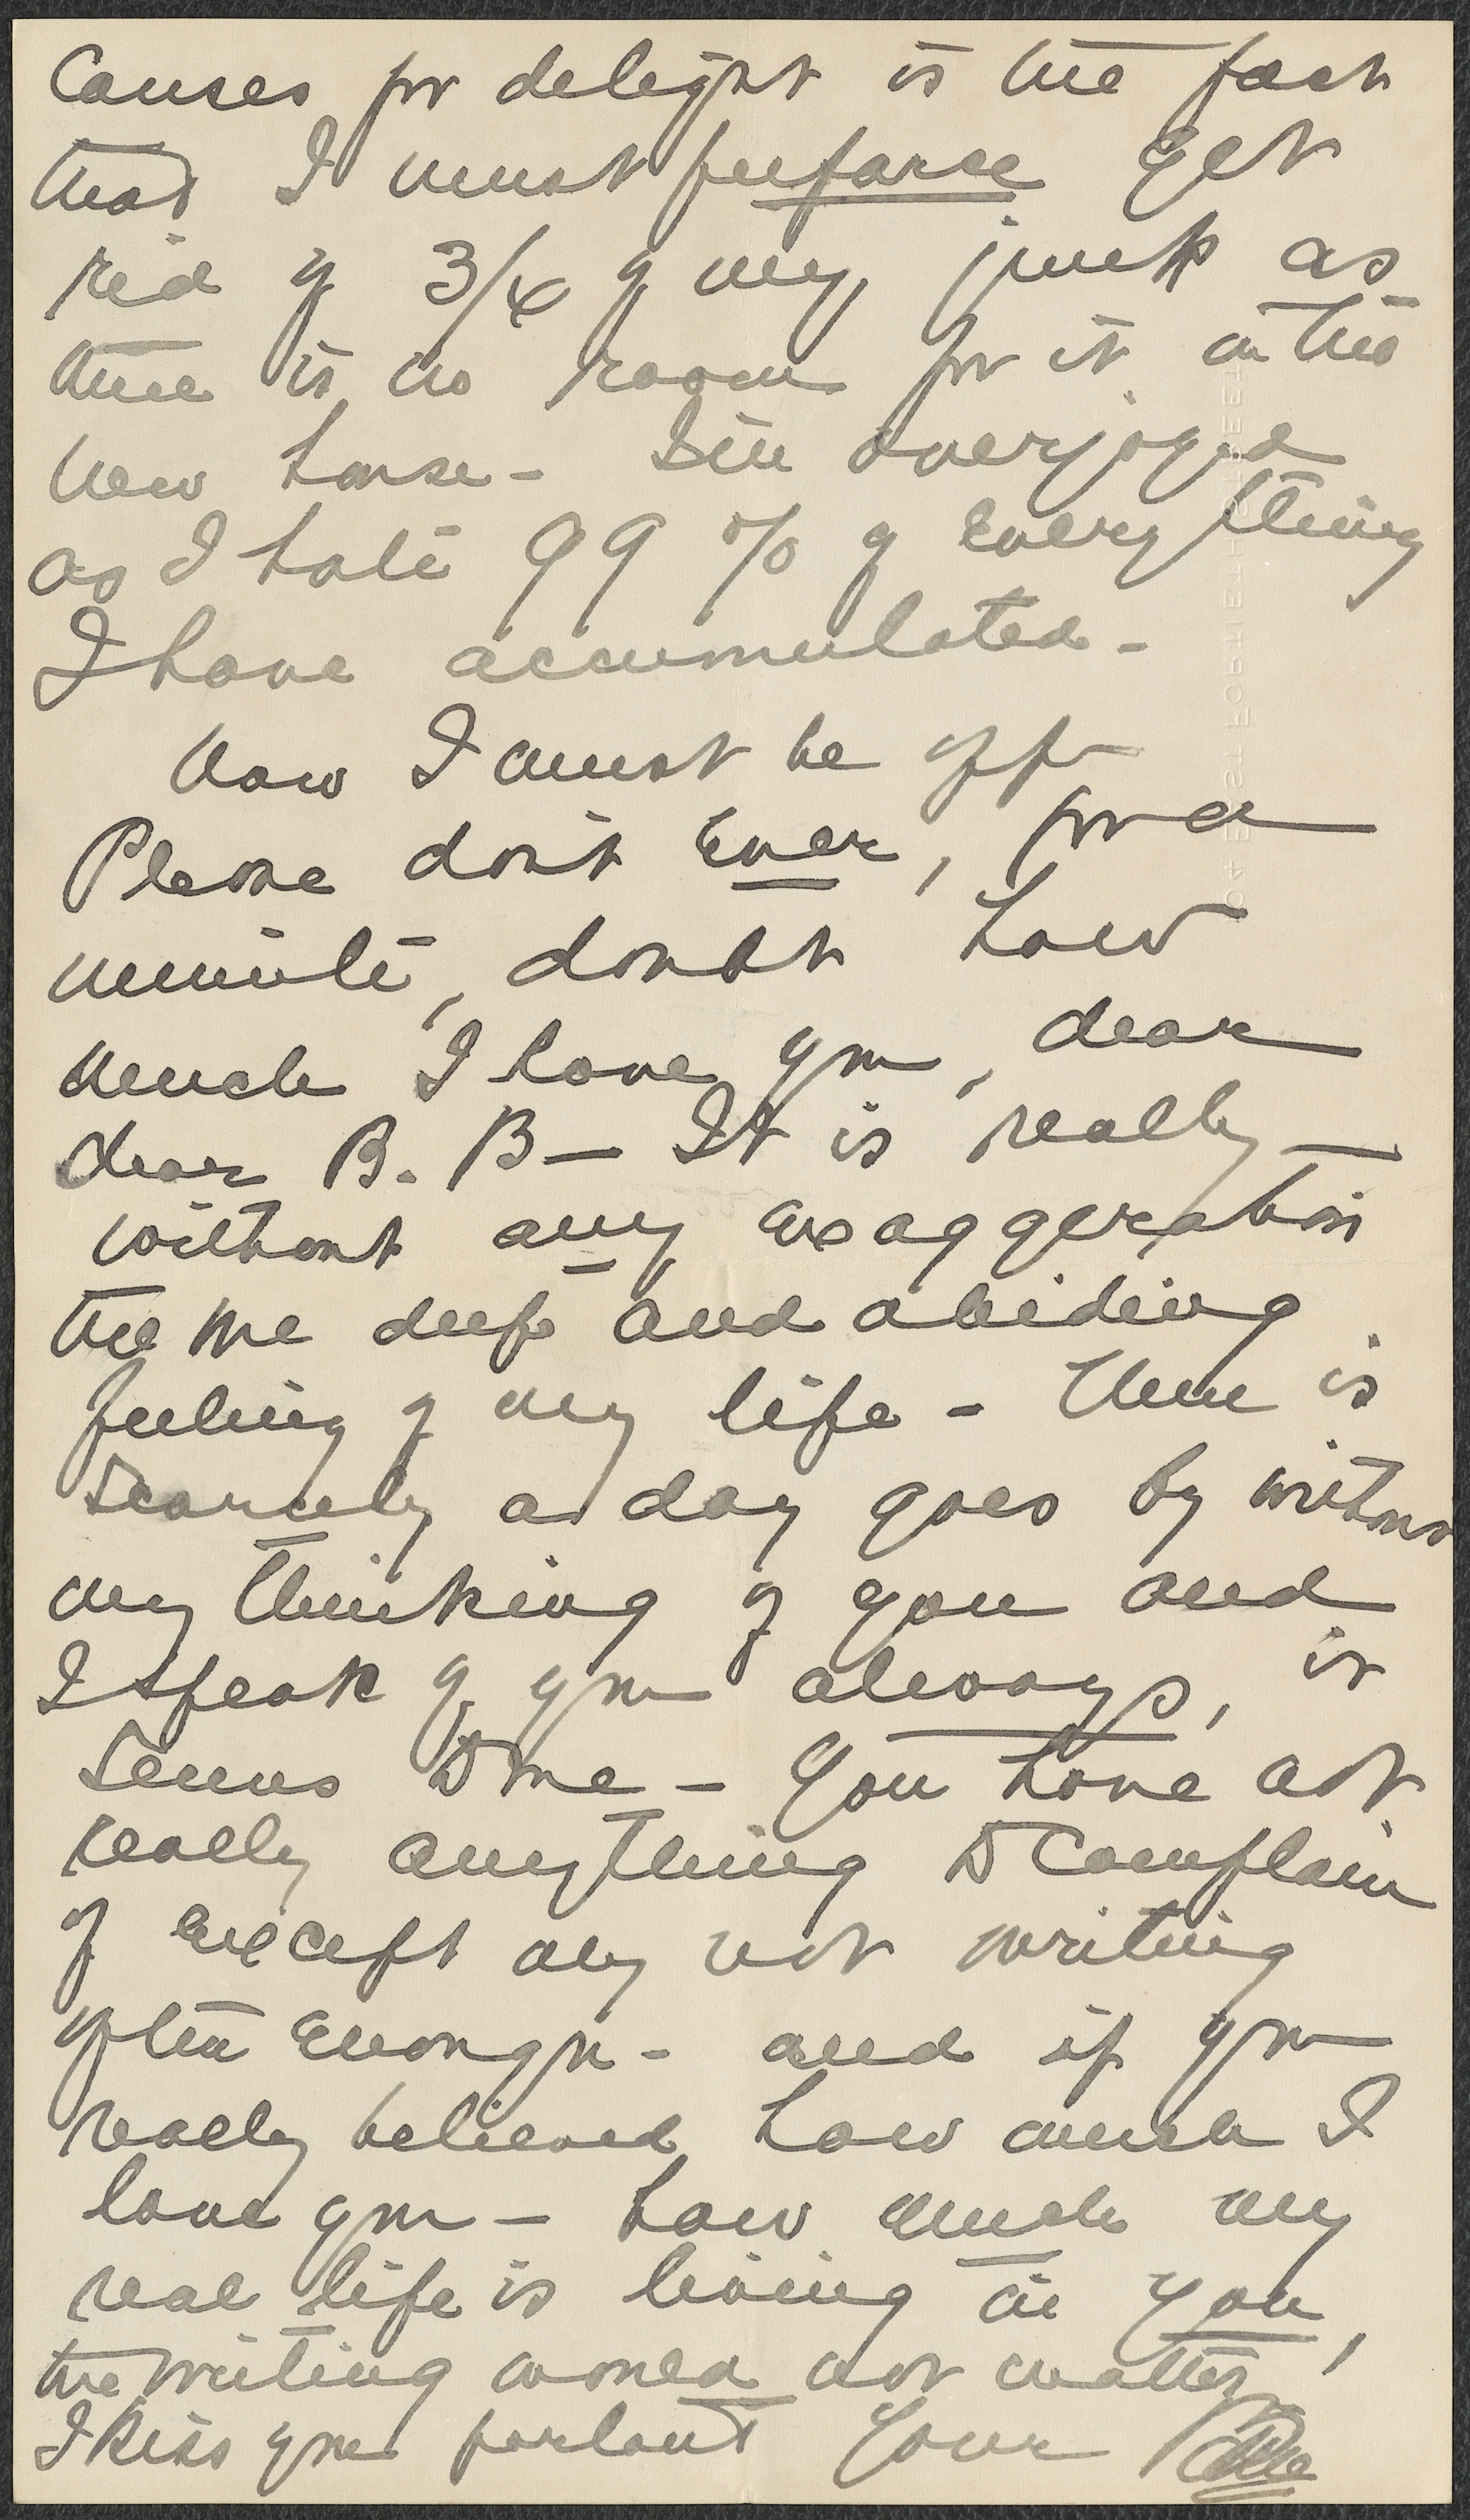causes for delight is the fact that I must perforce get rid of 3/4 of my junk as there is no room for it in this new house – I’m overjoyed as I hate 99% of everything I have accumulated.
Now I must be off
Please don’t ever, for a minute doubt how much I love you, dear dear B. B – It is really – without any exaggeration the one deep and abiding feeling of my life – there is scarcely a day goes by without my thinking of you always, it seems to me – you have not really anything to complain of except my not writing often enough – and if you really believe how much I love you – how much my real life is living in you, the writing would not matter I kiss you parlant Your [double underlined: Belle]